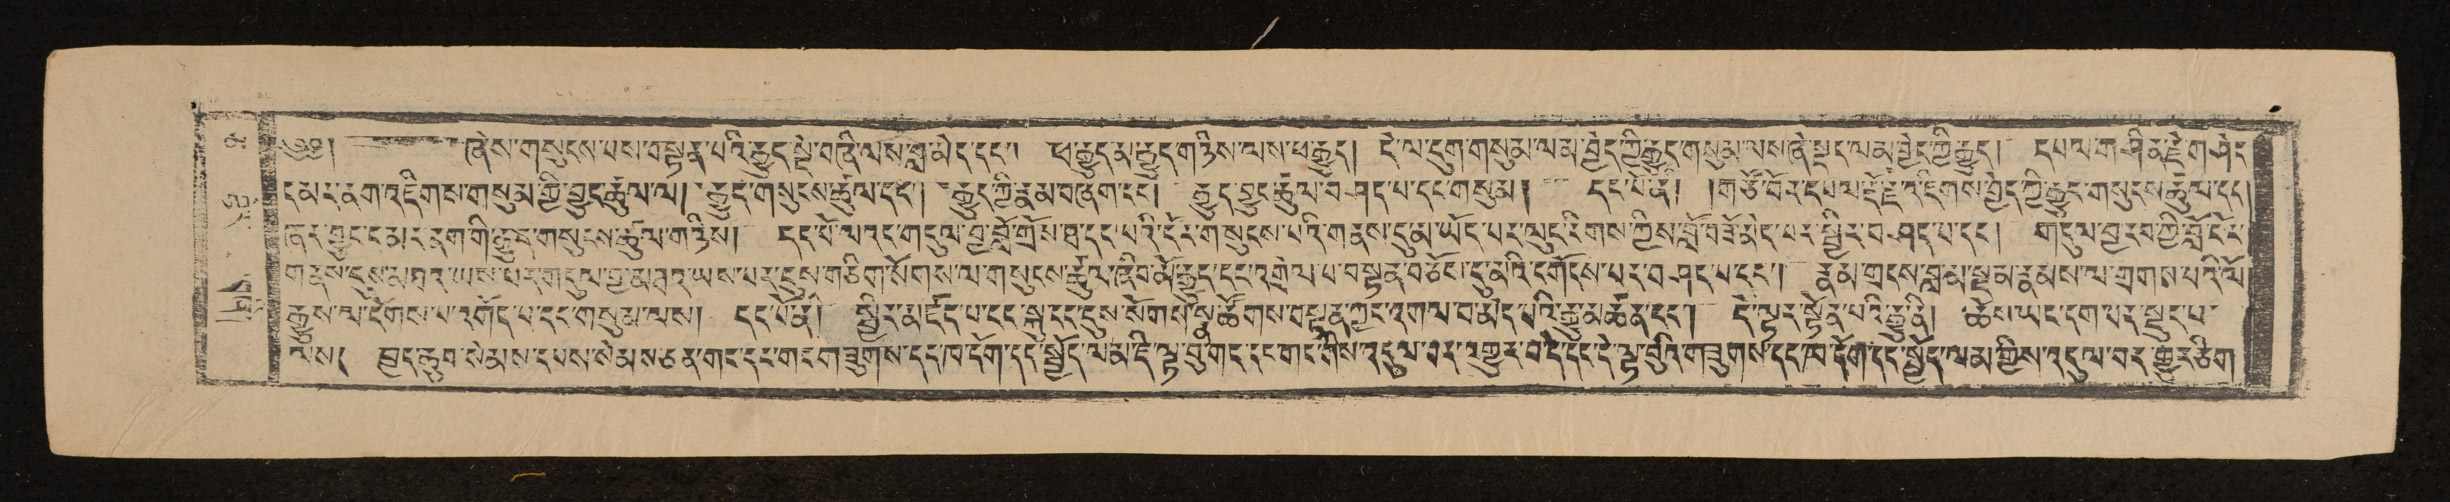༄༅། །ཞེས་གསུངས་པས་བསྟན་པའི་རྒྱུད་སྡེ་བཞི་ལས་བླ་མེད་དང་། ཕ་རྒྱུད་མ་རྒྱུད་གཉིས་ལས་ཕ་རྒྱུད། དེ་ལ་དུག་གསུམ་ལམ་བྱེད་ཀྱི་རྒྱུད་གསུམ་ལས་ཞེ་སྡང་ལམ་བྱེད་ཀྱི་རྒྱུད། དཔལ་གཤིན་རྗེ་གཤེད་
དམར་ནག་འཇིགས་གསུམ་གྱི་བྱུང་ཚུལ་ལ། རྒྱུད་གསུངས་ཚུལ་དང་། རྒྱུད་ཀྱི་རྣམ་བཞག་དང་། རྒྱུད་བྱུང་ཚུལ་བཤད་པ་དང་གསུམ། དང་པོ་ནི། གཙོ་བོར་དཔལ་རྡོ་རྗེ་འཇིགས་བྱེད་ཀྱི་རྒྱུད་གསུངས་ཚུལ་དང་།
ཞར་བྱུང་དམར་ནག་གི་རྒྱུད་གསུངས་ཚུལ་གཉིས། དང་པོ་ལའང་གདུལ་བྱ་བློ་གྲོས་ཐ་དད་པའི་ངོར་གསུངས་པའི་གནས་དུ་མ་ཡོད་པར་ལུང་རིགས་ཀྱིས་བློ་བཟོ་མེད་པར་སྤྱིར་བཤད་པ་དང་། གདུལ་བྱ་རབ་ཀྱི་བློ་ངོར་
གནས་དུས་མཐའ་ཡས་པར་གདུལ་བྱ་མཐའ་ཡས་པར་དུས་གཅིག་སོགས་ལ་གསུངས་ཚུལ་ཞིབ་མོ་རྒྱུད་དང་འགྲེལ་པ་བསྟན་བཅོས་དུ་མའི་དགོངས་པར་བཤད་པ་དང་། རྣམ་གྲངས་བླ་མ་སྔ་མ་རྣམས་ལ་གྲགས་པའི་ལོ་
རྒྱུས་ལ་དོགས་པ་འགོད་པ་དང་གསུམ་ལས། དང་པོ་ནི། སྤྱིར་མཛད་པ་དང་སྐུ་དང་དུས་སོགས་སྣ་ཚོགས་བསྟན་ཀྱང་འགལ་བ་མེད་པའི་རྒྱུ་མཚན་དང་། དེ་ལྟར་སྟོན་པའི་རྒྱུ་ནི། ཆོས་ཡང་དག་པར་སྡུད་པ་
ལས༑ བྱང་ཆུབ་སེམས་དཔས་སེམས་ཅན་གང་དང་གང་གཟུགས་དང་ཁ་དོག་དང་སྤྱོད་ལམ་ཇི་ལྟ་བུ་གང་དང་གང་གིས་འདུལ་བར་འགྱུར་བ་དེ་དང་དེ་ལྟ་བུའི་གཟུགས་དང་ཁ་དོག་དང་སྤྱོད་ལམ་གྱིས་འདུལ་བར་གྱུར་ཅིག་